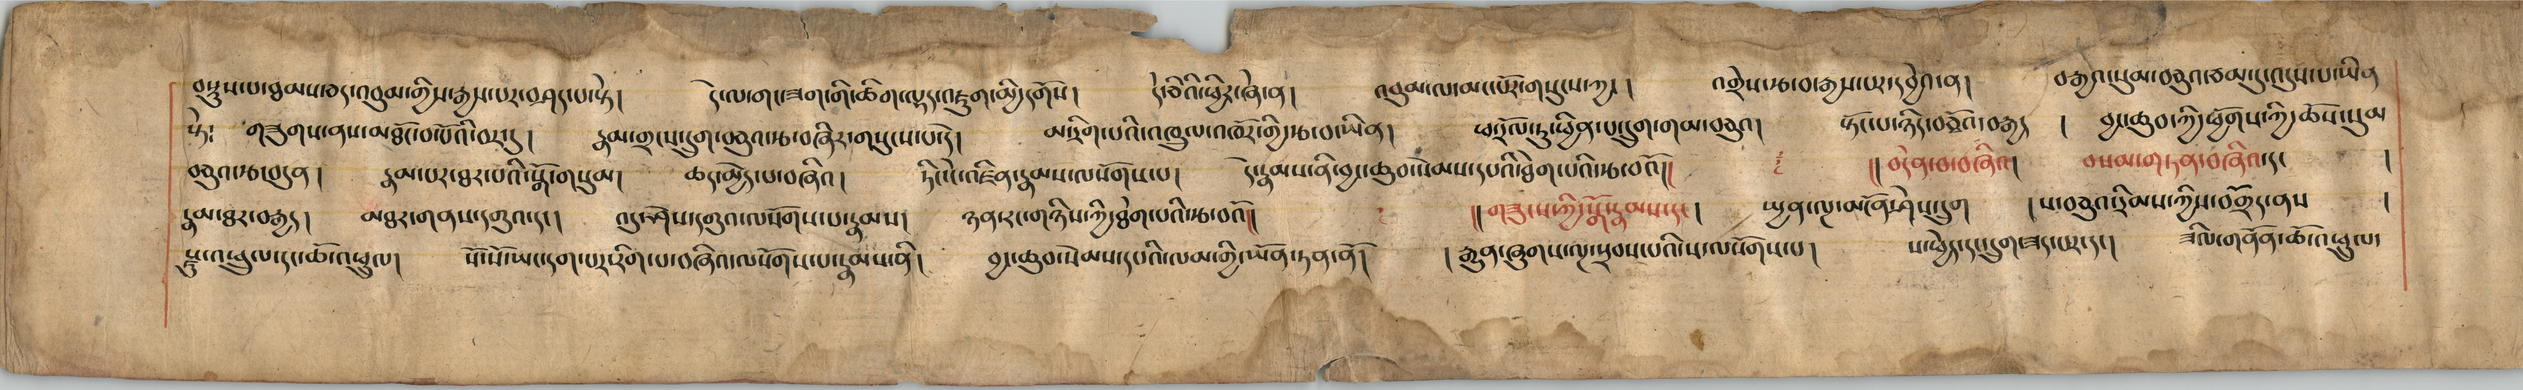བསྡུས་པ་ཐམས་ཅད་འབུམ་གྱིས་རྒྱས་པར་བཤད་པ་སྟེ། དེ་ལ་གང་ཟག་གི་ཚིག་ལྷད་འཇུག་མྱི་དགོས། དེ་ཅིའི་ཕྱིར་ཞེ་ན། འབུམ་ལ་མང་པོར་གསུངས་ཀྱང ། འགྲེས་རྩ་བ་རྒྱས་པར་དབྱེའ་ན། བརྒྱའ་སུམ་བཅུའ་ཙམ་དུ་འདུས་པ་ཡིན
སྟེ: གཟུགས་ནས་མཐོང་བ་པོའི་བར་དུ། རྣམས་གྲངས་དྲུག་བཅུའ་རྩ་བཞཱིར་གསུངས་པ་དེ། མ་རིག་པའི་འཁྲུལ་འཁོར་གྱི་རྩ་བ་ཡིན། ཕ་རོལ་ཏུ་ཕྱིན་པ་དྲུག་གམ་བཅུའ། སྟོང་པ་ཉིད་བཅྭོའ་བརྒྱད ། བྱང་ཆུབ་ཀྱི་ཕྱོགས་ཀྱི་ཆོས་སུམ
བཅུའ་རྩ་བདུན ། རྣམ་པར་ཐར་པའི་སྒོ་གསུམ། ཆད་མྱེད་པ་བཞིའ། ཏིང་ངེ་འཛིན་རྣམས་ལསོགས་པ། དེ་རྣམས་ནི་བྱང་ཆུབ་སེམས་དཔའི་ཐེག་པའི་རྩ་བའོ།། །།བདེན་བ་བཞིའ། བསམ་གཏན་བཞིའ་དང
རྣམ་ཐར་བརྒྱད། མཐར་གནས་དགུའ་དང། འདུ་ཤེས་དགུའ་ལསོགས་པ་རྣམས། ཉན་རང་གཉིས་ཀྱི་ཐེག་པའི་རྩ་བའོ།། །།གཟུགས་ཀྱི་སྒོ་རྣམས་དང། སྤྱན་ལྔ་མངོན་ཤེས་དྲུག །ས་བཅུའ་རིམས་ཀྱིས་བགྲོད་ནས
སྫུ་འཕྲུལ་དང་ཆོ་འཕྲུལ། སོ་སོ་ཡང་དག་པར་རིག་པ་བཞིའ་ལསོགས་པ་རྣམས་ནི། བྱང་ཆུབ་སེམས་དཔའི་ལམ་གྱི་ཡོན་ཏན་ནོ། །རྒྱུན་ཞུགས་ལྔ་སྲབས་པའི་ས་ལསོགས་པ། ས་ཕྱེད་དང་དྲུག་ཟད་པར་དང། ཟིལ་གནོན་ཆོ་འཕྲུལ་